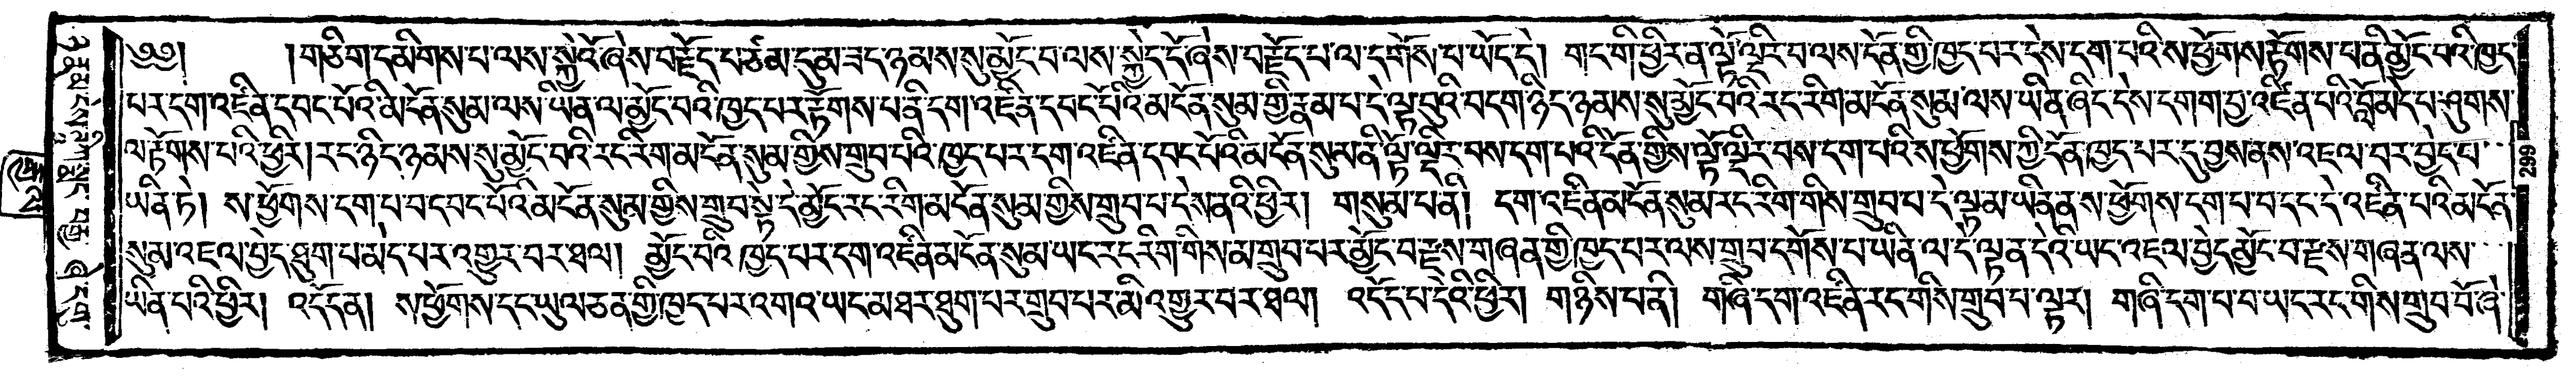༄༅། །གཅིག་དམིགས་པ་ལས་སྐྱེའོ་ཞེས་བརྗོད་པ་ཙམ་དུ་མ་ཟད་ཉམས་སུ་མྱང་བ་ལས་སྐྱེད་དོ་ཞེས་བརྗོད་པ་ལ་དགོས་པ་ཡོད་དེ། གང་གི་ཕྱིར་ན་ལྟོ་ལྡིར་བ་ལས་དོན་གྱི་ཁྱད་པར་དེས་དག་པའི་ས་ཕྱོགས་རྟོགས་པ་ནི་མྱོང་བའི་ཁྱད་
པར་དག་འཛིན་དབང་པོའི་མངོན་སུམ་ལས་ཡིན་ལ་མྱོང་བའི་ཁྱད་པར་རྟོགས་པ་ནི་དག་འཛིན་དབང་པོའི་མངོན་སུམ་གྱིས་རྣམ་པ་དེ་ལྟ་བུའི་བདག་ཉིད་ཉམས་སུ་མྱོང་བའི་རང་རིག་མངོན་སུམ་ལས་ཡིན་ཞིང་དེས་དགག་བྱ་འཛིན་པའི་བློ་མེད་པ་ཤུགས་
ལ་རྟོགས་པའི་ཕྱིར། རང་ཉིད་ཉམས་སུ་མྱོང་བའི་རང་རིག་མངོན་སུམ་གྱིས་གྲུབ་པའི་ཁྱད་པར་དག་འཛིན་དབང་པོའི་མངོན་སུམ་ནི་ལྟོ་ལྡིར་བས་དག་པའི་དོན་གྱིས་ལྟོ་ལྡིར་བས་དག་པའི་ས་ཕྱོགས་ཀྱི་དོན་ཁྱད་པར་དུ་བྱས་ནས་འཇལ་བར་བྱེད་པ་
ཡིན་ཏེ། ས་ཕྱོགས་དག་པ་བ་དབང་པོའི་མངོན་སུམ་གྱིས་གྲུབ་སྟེ་དེ་མྱོང་རང་རིག་མངོན་སུམ་གྱིས་གྲུབ་པ་དེས་ནའི་ཕྱིར། གསུམ་པ་ནི། དག་འཛིན་མངོན་སུམ་རང་རིག་གིས་གྲུབ་པ་དེ་ལྟ་མ་ཡིན་ན་ས་ཕྱོགས་དག་པ་བ་དང་དེ་འཛིན་པའི་མངོན་
སུམ་འཇལ་བྱེད་ཐུག་པ་མེད་པར་འགྱུར་བར་ཐལ། མྱོང་བའི་ཁྱད་པར་དག་འཛིན་མངོན་སུམ་ཡང་རང་རིག་གིས་མ་གྲུབ་པར་མྱོང་བ་རྫས་གཞན་གྱི་ཁྱད་པར་ལས་གྲུབ་དགོས་པ་ཡིན་ལ་དེ་ལྟ་ན་དེའི་ཡང་འཇལ་བྱེད་མྱོང་བ་རྫས་གཞན་ལས་
ཡིན་པའི་ཕྱིར། འདོད་ན། ས་ཕྱོགས་དང་ཡུལ་ཅན་གྱི་ཁྱད་པར་འགའ་ཡང་མཐར་ཐུག་པར་གྲུབ་པར་མི་འགྱུར་བར་ཐལ། འདོད་པ་དེའི་ཕྱིར། གཉིས་པ་ནི། གཞི་དག་འཛིན་རང་གིས་གྲུབ་པ་ལྟར། གཞི་དག་པ་བ་ཡང་རང་གིས་གྲུབ་བོ་ཞེ་